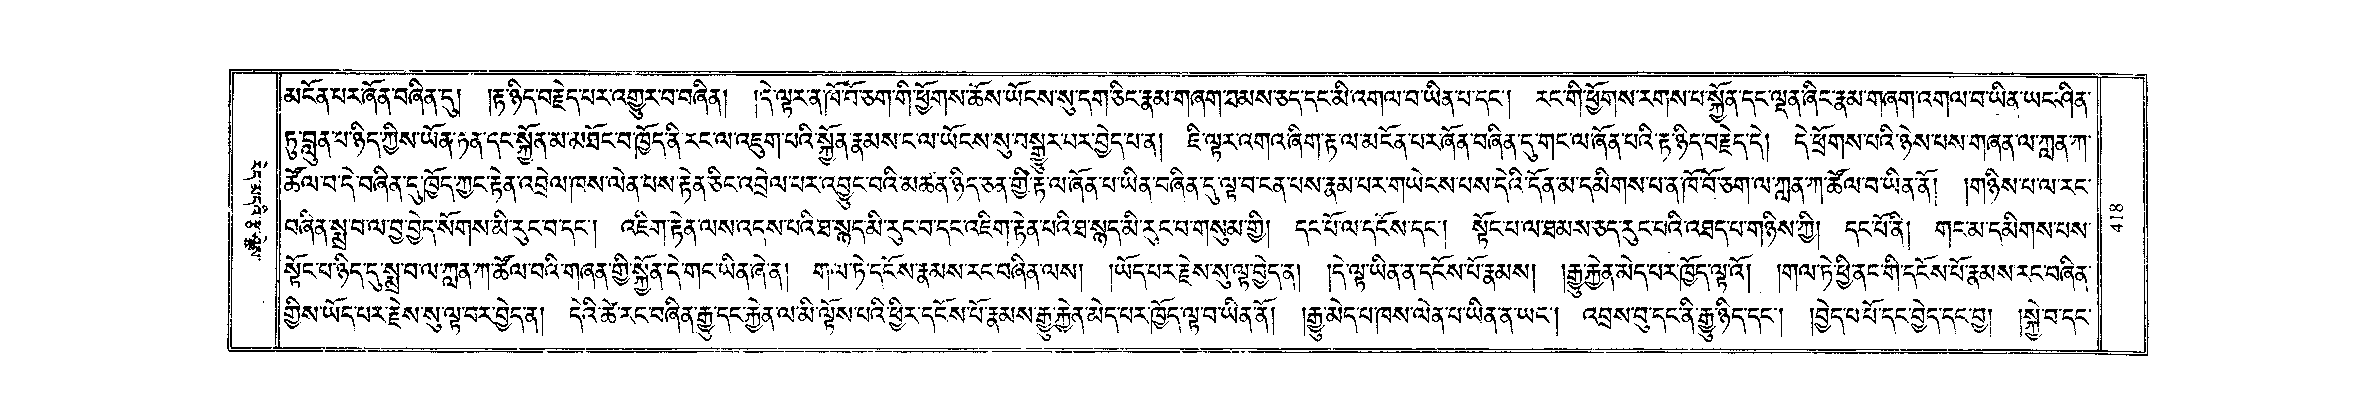མངོན་པར་ཞོན་བཞིན་དུ། །རྟ་ཉིད་བརྗེད་པར་འགྱུར་བ་བཞིན། །དེ་ལྟར་ན་ཁོ་བོ་ཅག་གི་ཕྱོགས་ཆོས་ཡོངས་སུ་དག་ཅིང་རྣམ་གཞག་ཐམས་ཅད་དང་མི་འགལ་བ་ཡིན་པ་དང་། རང་གི་ཕྱོགས་རགས་པ་སྐྱོན་དང་ལྡན་ཞིང་རྣམ་གཞག་འགལ་བ་ཡིན་ཡང་ཤིན་
ཏུ་བླུན་པ་ཉིད་ཀྱིས་ཡོན་ཏན་དང་སྐྱོན་མ་མཐོང་བ་ཁྱོད་ནི་རང་ལ་འཇུག་པའི་སྐྱོན་རྣམས་ང་ལ་ཡོངས་སུ་བསྒྱུར་བར་བྱེད་པ་ན། ཇི་ལྟར་འགའ་ཞིག་རྟ་ལ་མངོན་པར་ཞོན་བཞིན་དུ་གང་ལ་ཞོན་པའི་རྟ་ཉིད་བརྗེད་དེ། དེ་ཕྲོགས་པའི་ཉེས་པས་གཞན་ལ་ཀླན་ཀ་
ཚོལ་བ་དེ་བཞིན་དུ་ཁྱོད་ཀྱང་རྟེན་འབྲེལ་ཁས་ལེན་པས་རྟེན་ཅིང་འབྲེལ་པར་འབྱུང་བའི་མཚན་ཉིད་ཅན་གྱི་རྟ་ལ་ཞོན་པ་ཡིན་བཞིན་དུ་ལྟ་བ་ངན་པས་རྣམ་པར་གཡེངས་པས་དེའི་དོན་མ་དམིགས་པ་ན་ཁོ་བོ་ཅག་ལ་ཀླན་ཀ་ཚོལ་བ་ཡིན་ནོ། །གཉིས་པ་ལ་རང་
བཞིན་སྨྲ་བ་ལ་བྱ་བྱེད་སོགས་མི་རུང་བ་དང་། འཇིག་རྟེན་ལས་འདས་པའི་ཐ་སྙད་མི་རུང་བ་དང་འཇིག་རྟེན་པའི་ཐ་སྙད་མི་རུང་པ་གསུམ་གྱི། དང་པོ་ལ་དངོས་དང་། སྟོང་པ་ལ་ཐམས་ཅད་རུང་པའི་འཐད་པ་གཉིས་ཀྱི། དང་པོ་ནི། གང་མ་དམིགས་པས་
སྟོང་པ་ཉིད་དུ་སྨྲ་བ་ལ་ཀླན་ཀ་ཚོལ་བའི་གཞན་གྱི་སྐྱོན་དེ་གང་ཡིན་ཞེ་ན། གལ་ཏེ་དངོས་རྣམས་རང་བཞིན་ལས། །ཡོད་པར་རྗེས་སུ་ལྟ་བྱེད་ན། །དེ་ལྟ་ཡིན་ན་དངོས་པོ་རྣམས། །རྒྱུ་རྐྱེན་མེད་པར་ཁྱོད་ལྟའོ། །གལ་ཏེ་ཕྱི་ནང་གི་དངོས་པོ་རྣམས་རང་བཞིན་
གྱིས་ཡོད་པར་རྗེས་སུ་ལྟ་བར་བྱེད་ན། དེའི་ཚེ་རང་བཞིན་རྒྱུ་དང་རྐྱེན་ལ་མི་ལྟོས་པའི་ཕྱིར་དངོས་པོ་རྣམས་རྒྱུ་རྐྱེན་མེད་པར་ཁྱོད་ལྟ་བ་ཡིན་ནོ། །རྒྱུ་མེད་པ་ཁས་ལེན་པ་ཡིན་ན་ཡང་། འབྲས་བུ་དང་ནི་རྒྱུ་ཉིད་དང་། །བྱེད་པ་པོ་དང་བྱེད་དང་བྱ། །སྐྱེ་བ་དང་